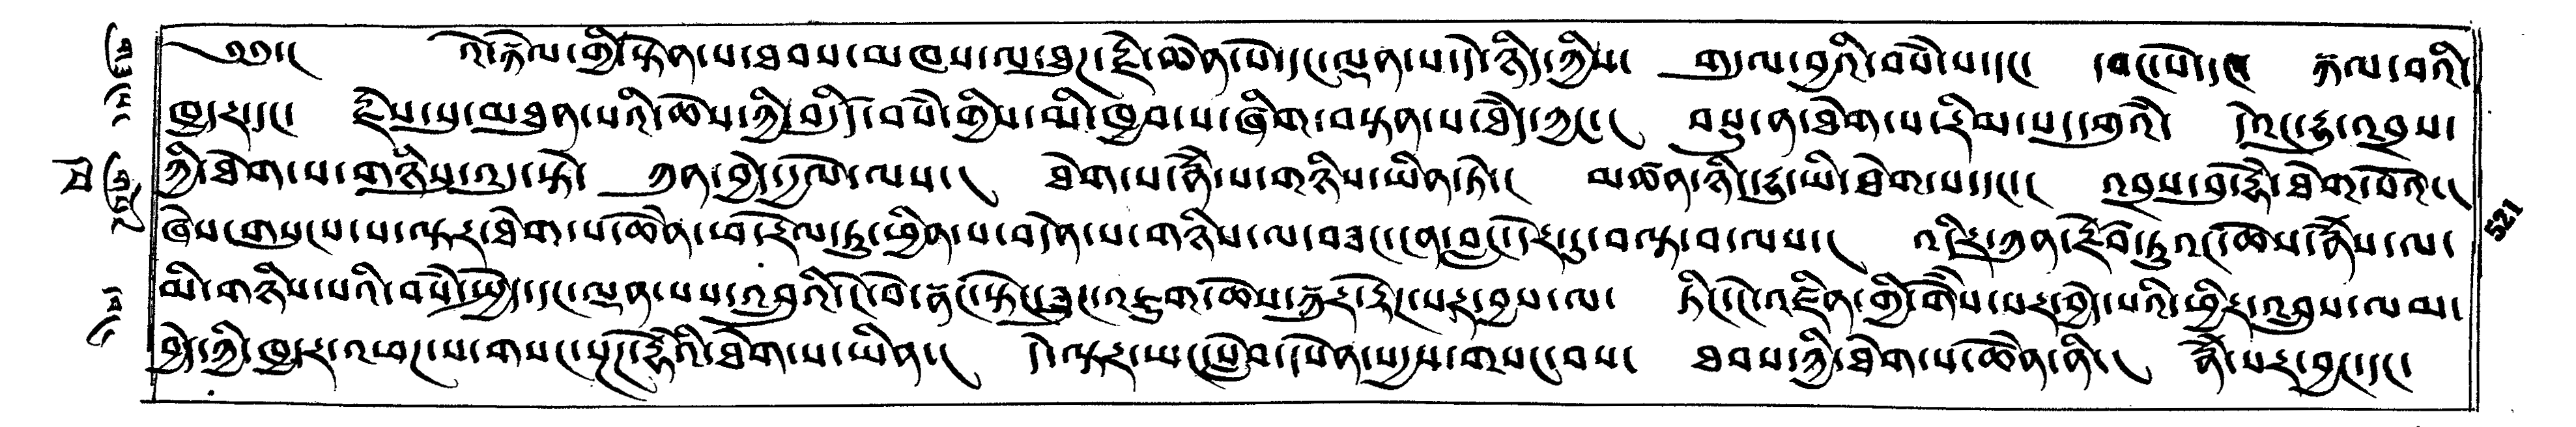འོ་སྐོལ་གྱི་སྟོན་པ་ཐབས་མཁས་ལ་ཐུགས་རྗེ་ཆེན་པོ་དང་ལྡན་པ་དེ་ཉིད་ཀྱིས། གདུལ་བྱའི་བསམ་པ་དང་། དབང་པོ་དང་། སྐལ་བའི་
ཁྱད་པར་དང་། རྗེས་སུ་མཐུན་པའི་ཆོས་ཀྱི་བདུད་རྩི་བསམ་གྱིས་མི་ཁྱབ་པ་ཞིག་བསྟན་པ་ཐམས་ཅད་ཀྱང་། བསྡུ་ན་ཐེག་པ་རིམ་པ་དགུའམ། དེའང་རྒྱུ་འབྲས་
ཀྱི་ཐེག་པ་གཉིས་སུ་འདུས་སྟེ། ཀུན་བྱེད་རྒྱལ་པོ་ལས། ཐེག་པ་རྣམ་པ་གཉིས་ཡིན་ཏེ། །མཚན་ཉིད་རྒྱུ་ཡི་ཐེག་པ་དང་། །འབྲས་བུ་རྡོ་རྗེ་ཐེག་པའོ། །
ཞེས་གསུངས་པ་ལྟར་ཐེག་པ་ཆེན་པོ་ཕ་རོལ་ཏུ་ཕྱིན་པ་བདེན་པ་གཉིས་ལ་བཟང་ངན་བླང་དོར་དུ་བལྟ་བ་ལས། འདིར་ཀུན་རྫོབ་ཏུའང་ཆོས་རྣམས་ལ་
མི་གཉིས་པའི་བསམ་སྤྱོད་དང་ལྡན་པས་འབྲས་བུའི་ངོ་བོ་སྣང་སྟོང་ཟུང་འཇུག་ཆོས་སྐུར་རྟོགས་པར་བྱས་ལ། ཏིང་ངེ་འཛིན་གྱི་གོམས་པར་བྱེད་པའི་ཕྱིར་འབྲས་བུ་ལམ་
བྱཻད་ཀྱི་ཁྱད་པར་འཕགས་པ་གསང་སྔགས་རྡོ་རྗེའི་ཐེག་པ་ཡིན། དེ་ལྟར་ཡང་སློབ་དཔོན་སངས་རྒྱས་གསང་བས། ཐབས་ཀྱི་ཐེག་པ་ཆེན་པོ་ནི། །རྣམ་པར་བྱང་དང་